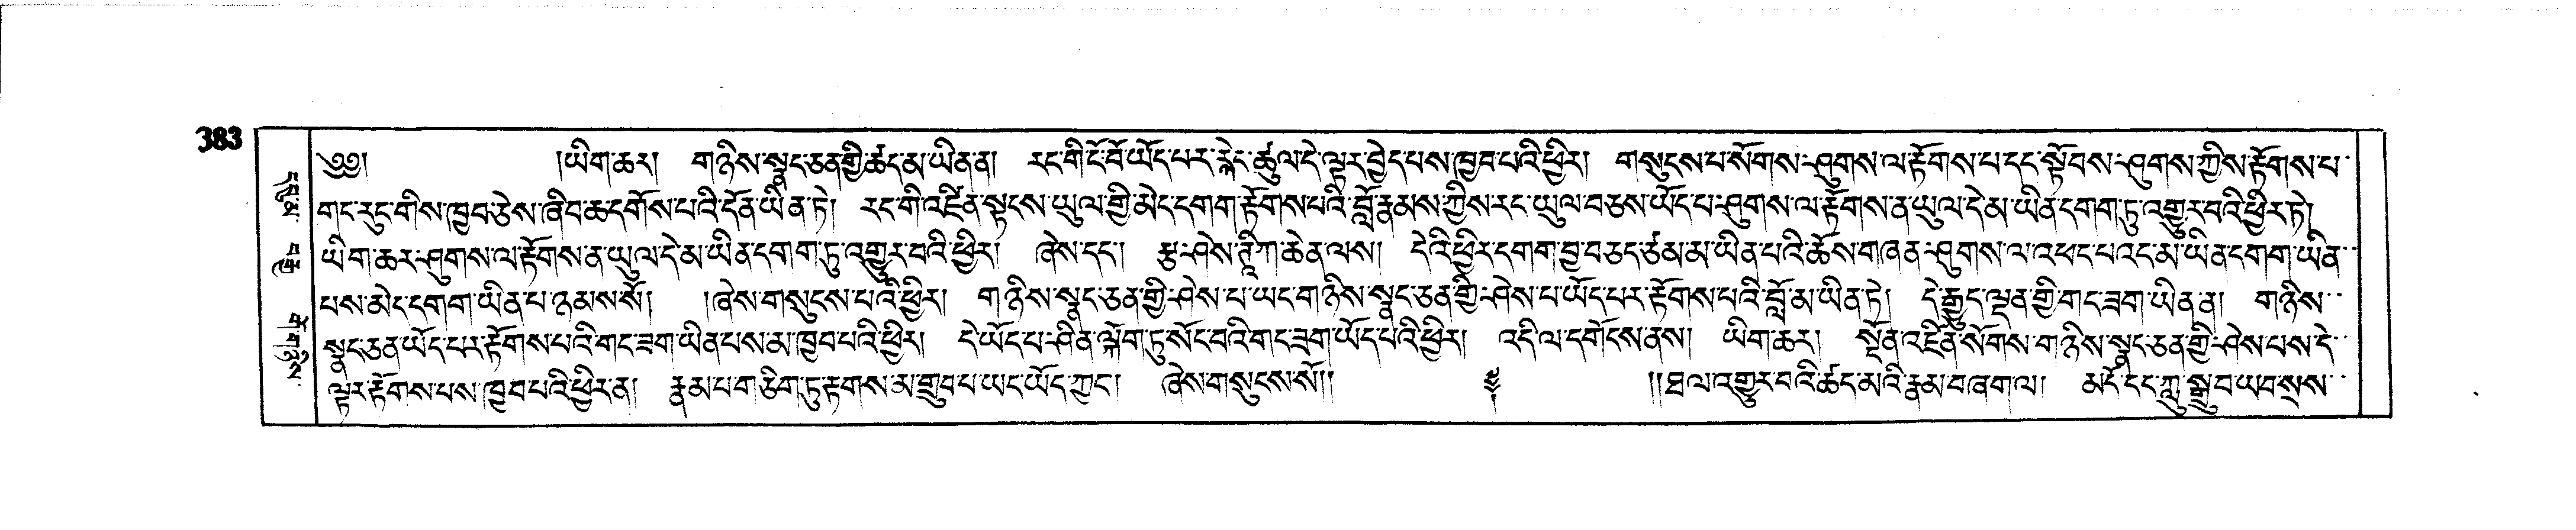༄༅། །ཡིག་ཆར། གཉིས་སྣང་ཅན་གྱི་ཚད་མ་ཡིན་ན། རང་གི་ངོ་བོ་ཡོད་པར་རྙེད་ཚུལ་དེ་ལྟར་བྱེད་པས་ཁྱབ་པའི་ཕྱིར། གསུངས་པ་སོགས་ཤུགས་ལ་རྟོགས་པ་དང་སྟོབས་ཤུགས་ཀྱིས་རྟོགས་པ་
གང་རུང་གིས་ཁྱབ་ཅེས་ཞིབ་ཆ་དགོས་པའི་དོན་ཡིན་ཏེ། རང་གི་འཛིན་སྟངས་ཡུལ་གྱི་མེད་དགག་རྟོགས་པའི་བློ་རྣམས་ཀྱིས་རང་ཡུལ་བཅས་ཡོད་པ་ཤུགས་ལ་རྟོགས་ན་ཡུལ་དེ་མ་ཡིན་དགག་ཏུ་འགྱུར་བའི་ཕྱིར་ཏེ།
ཡིག་ཆར་ཤུགས་ལ་རྟོགས་ན་ཡུལ་དེ་མ་ཡིན་དགག་ཏུ་འགྱུར་བའི་ཕྱིར། ཞེས་དང་། རྩ་ཤེས་ཊཱིཀ་ཆེན་ལས། དེའི་ཕྱིར་དགག་བྱ་བཅད་ཙམ་མ་ཡིན་པའི་ཆོས་གཞན་ཤུགས་ལ་འཕང་པའང་མ་ཡིན་དགག་ཡིན་
པས་མེད་དགག་ཡིན་པ་ཉམས་སོ། །ཞེས་གསུངས་པའི་ཕྱིར། གཉིས་སྣང་ཅན་གྱི་ཤེས་པ་ཡང་གཉིས་སྣང་ཅན་གྱི་ཤེས་པ་ཡོད་པར་རྟོགས་པའི་བློ་མ་ཡིན་ཏེ། དེ་རྒྱུད་ལྡན་གྱི་གང་ཟག་ཡིན་ན། གཉིས་
སྣང་ཅན་ཡོད་པར་རྟོགས་པའི་གང་ཟག་ཡིན་པས་མ་ཁྱབ་པའི་ཕྱིར། དེ་ཡོད་པ་ཤིན་ལྐོག་ཏུ་སོང་བའི་གང་ཟག་ཡོད་པའི་ཕྱིར། འདི་ལ་དགོངས་ནས། ཡིག་ཆར། སྔོན་འཛིན་སོགས་གཉིས་སྣང་ཅན་གྱི་ཤེས་པས་དེ་
ལྟར་རྟོགས་པས་ཁྱབ་པའི་ཕྱིར་ན། རྣམ་པ་གཅིག་ཏུ་རྟགས་མ་གྲུབ་པ་ཡང་ཡོད་ཀྱང་། ཞེས་གསུངས་སོ།། ༈ །།ཐལ་འགྱུར་བའི་ཚད་མའི་རྣམ་བཞག་ལ། མདོ་དང་ཀླུ་སྒྲུབ་ཡབ་སྲས་